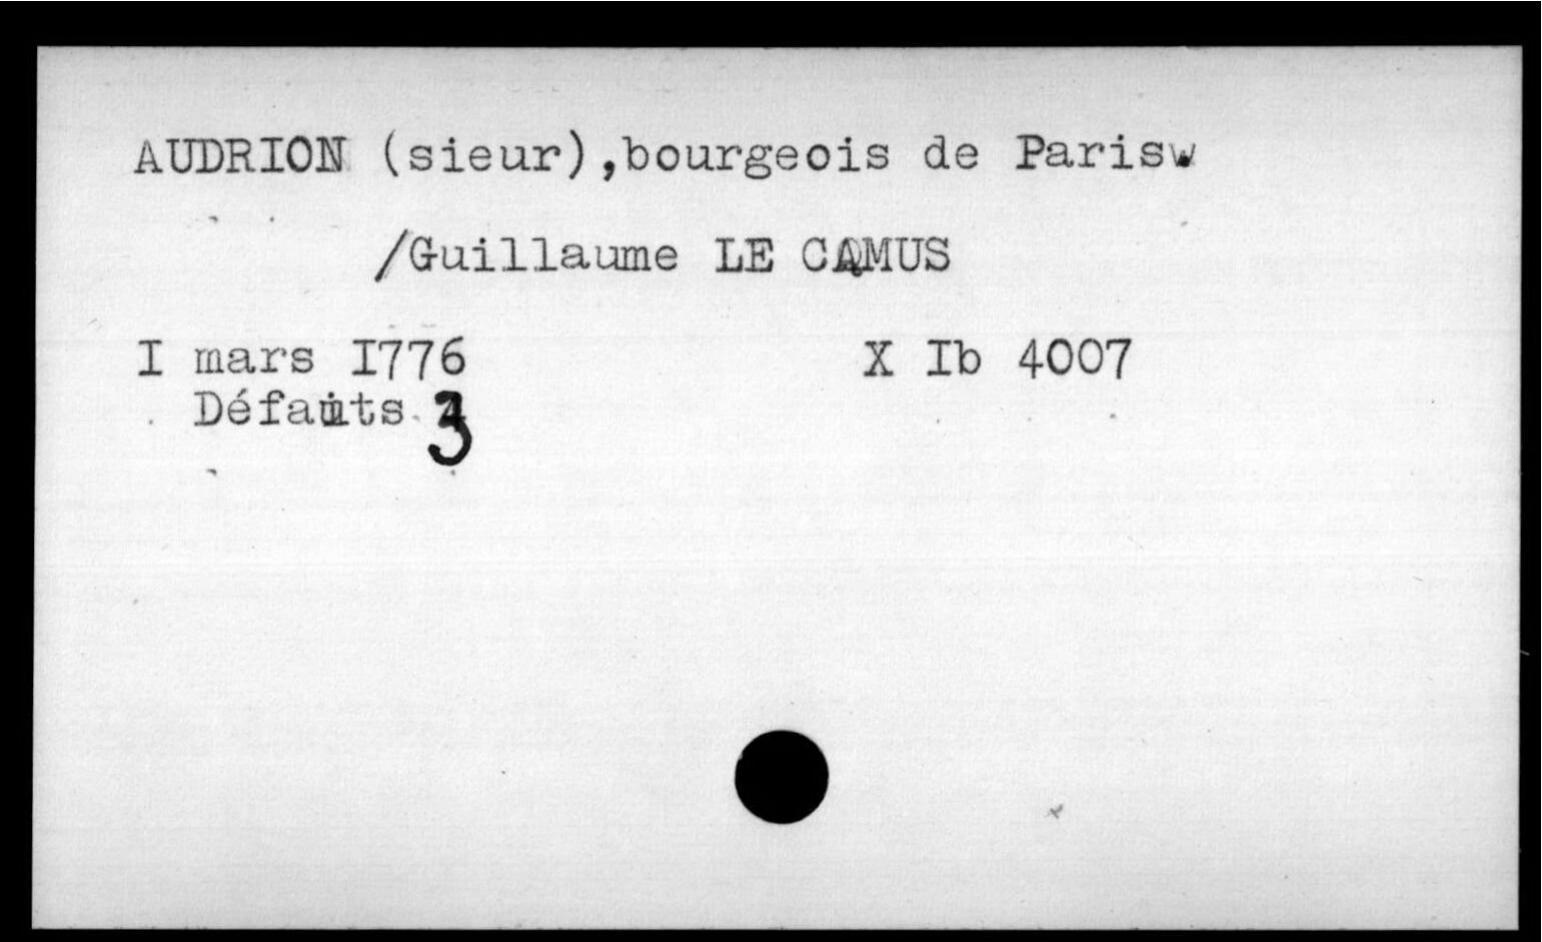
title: AUDRION (sieur), bourgeois de Paris.
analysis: Contre Guillaume LE CAMUS
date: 1 mars 1776
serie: X1b
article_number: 4007
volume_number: Défauts, 3
